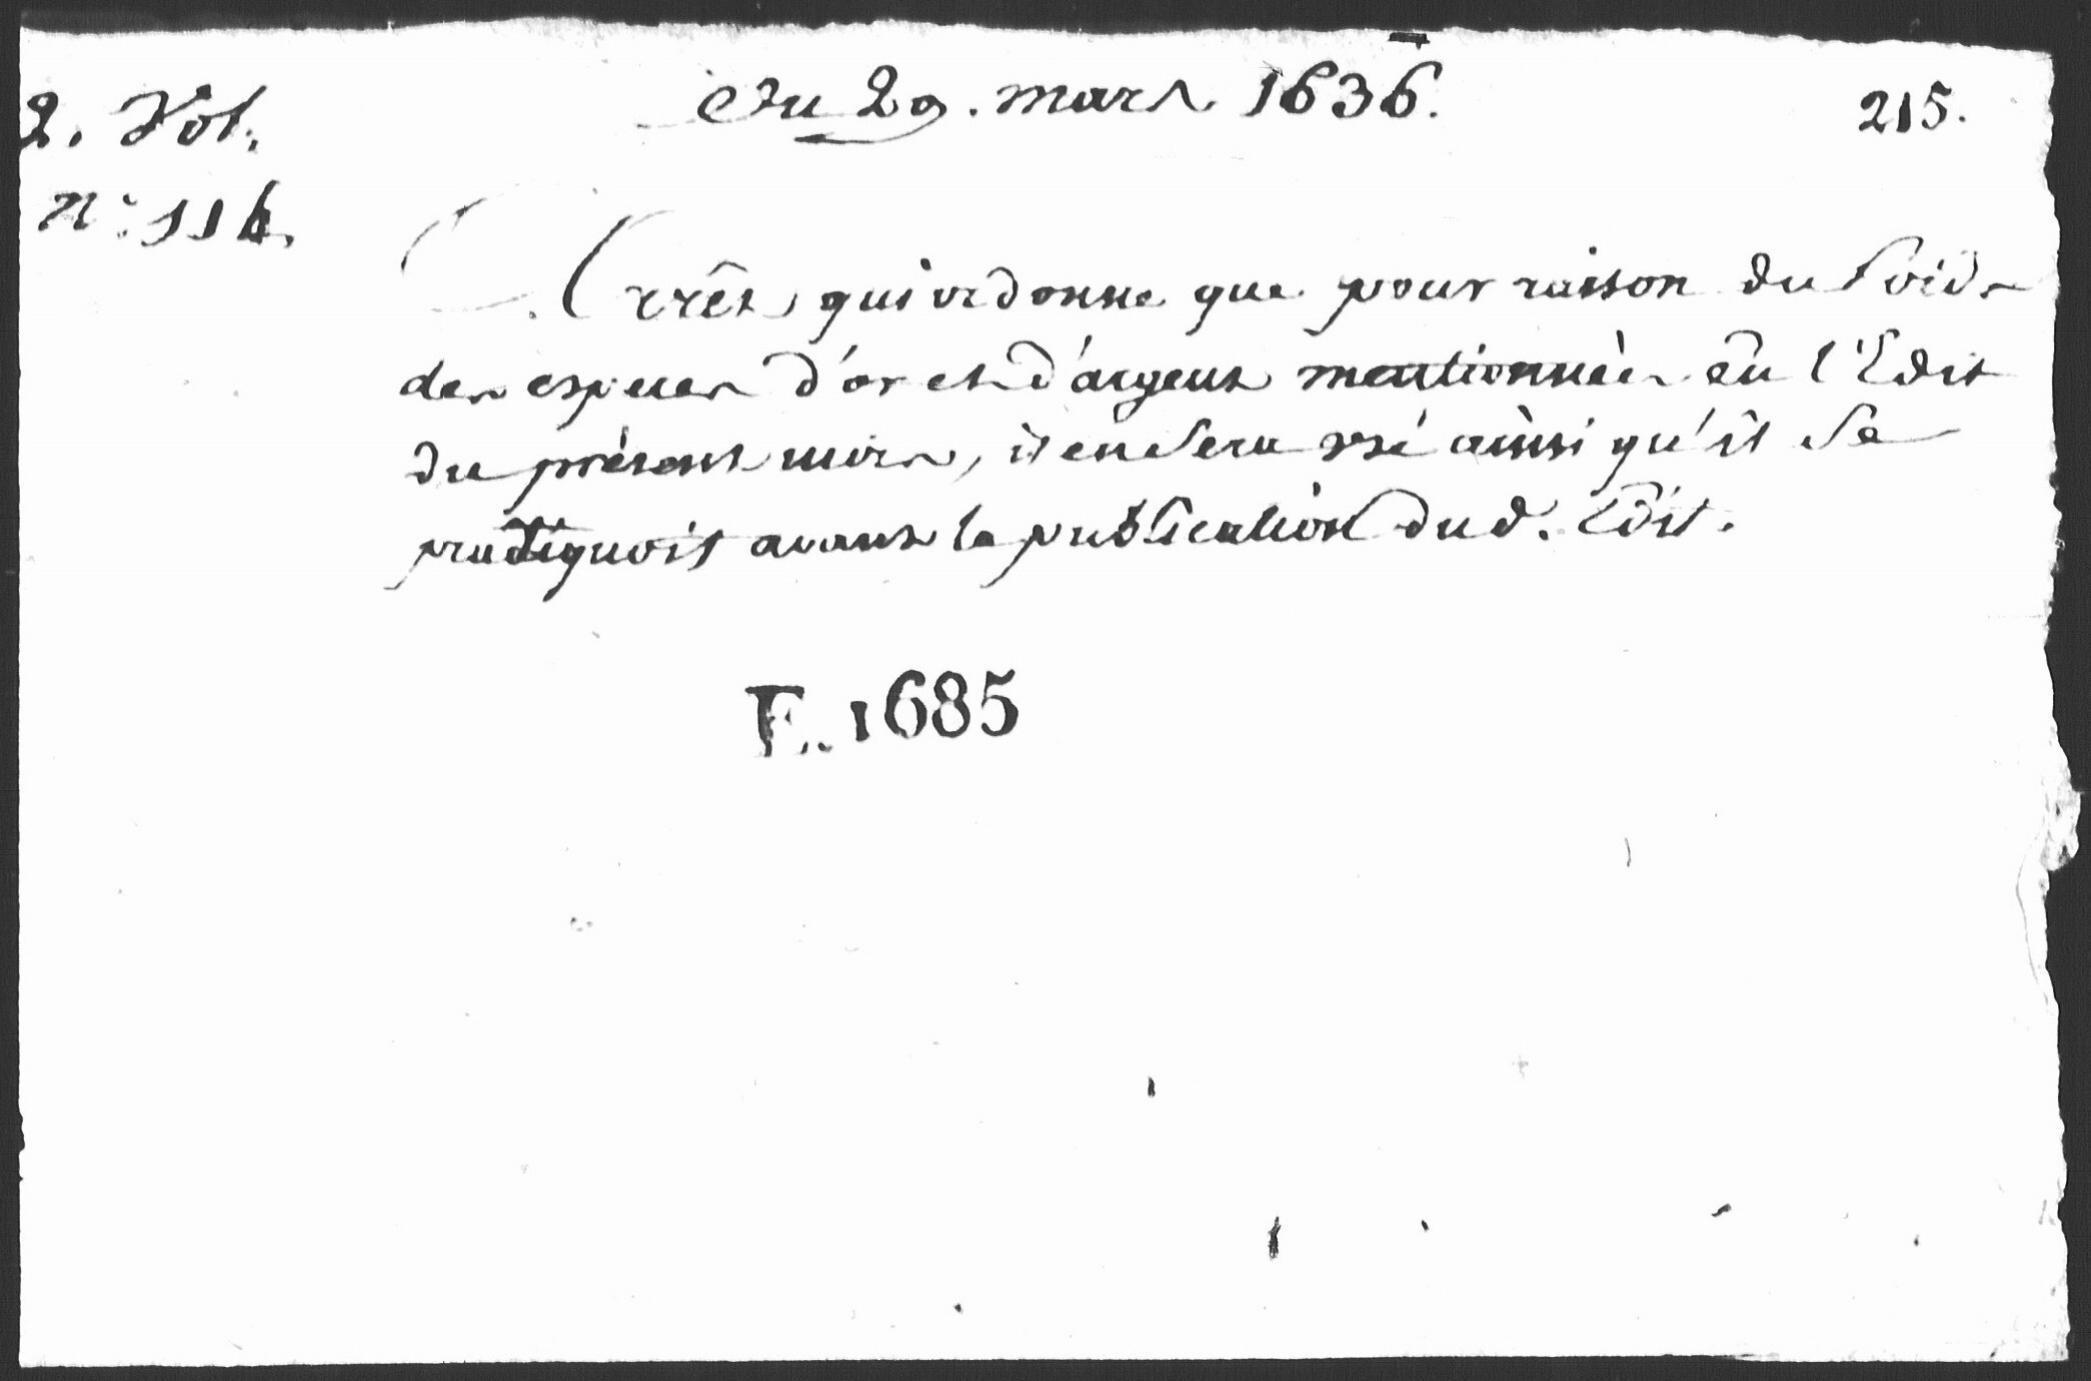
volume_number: n°114
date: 29 mars 1636
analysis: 215
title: Arrêt qui ordonne que pour raison du poids des especes d'or et d'argent mentionnées en l'Edit du present mois, il en sera usé ainsi qu'il se pratiquoit avant la publication dud. Edit.
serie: E
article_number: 1685
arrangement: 2. vol.
